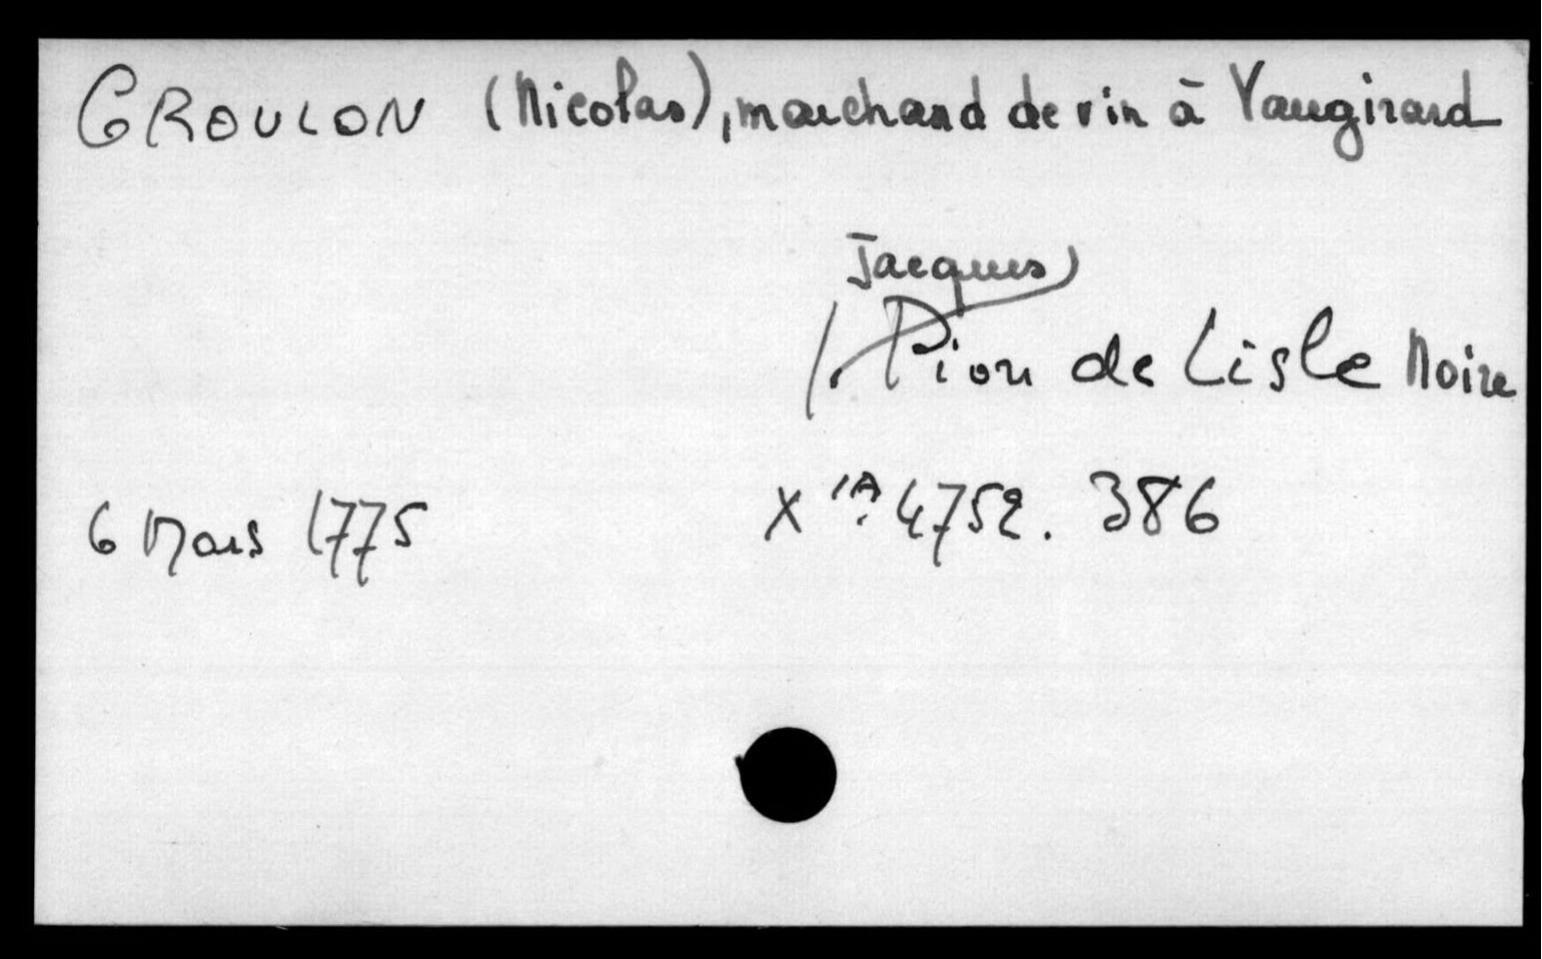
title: GROULON (Nicolas), marchand de vin à Vaugirard
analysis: Contre Jacques Pion de Lisle Noire
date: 6 mars 1775
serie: X1A
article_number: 4752
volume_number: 386
